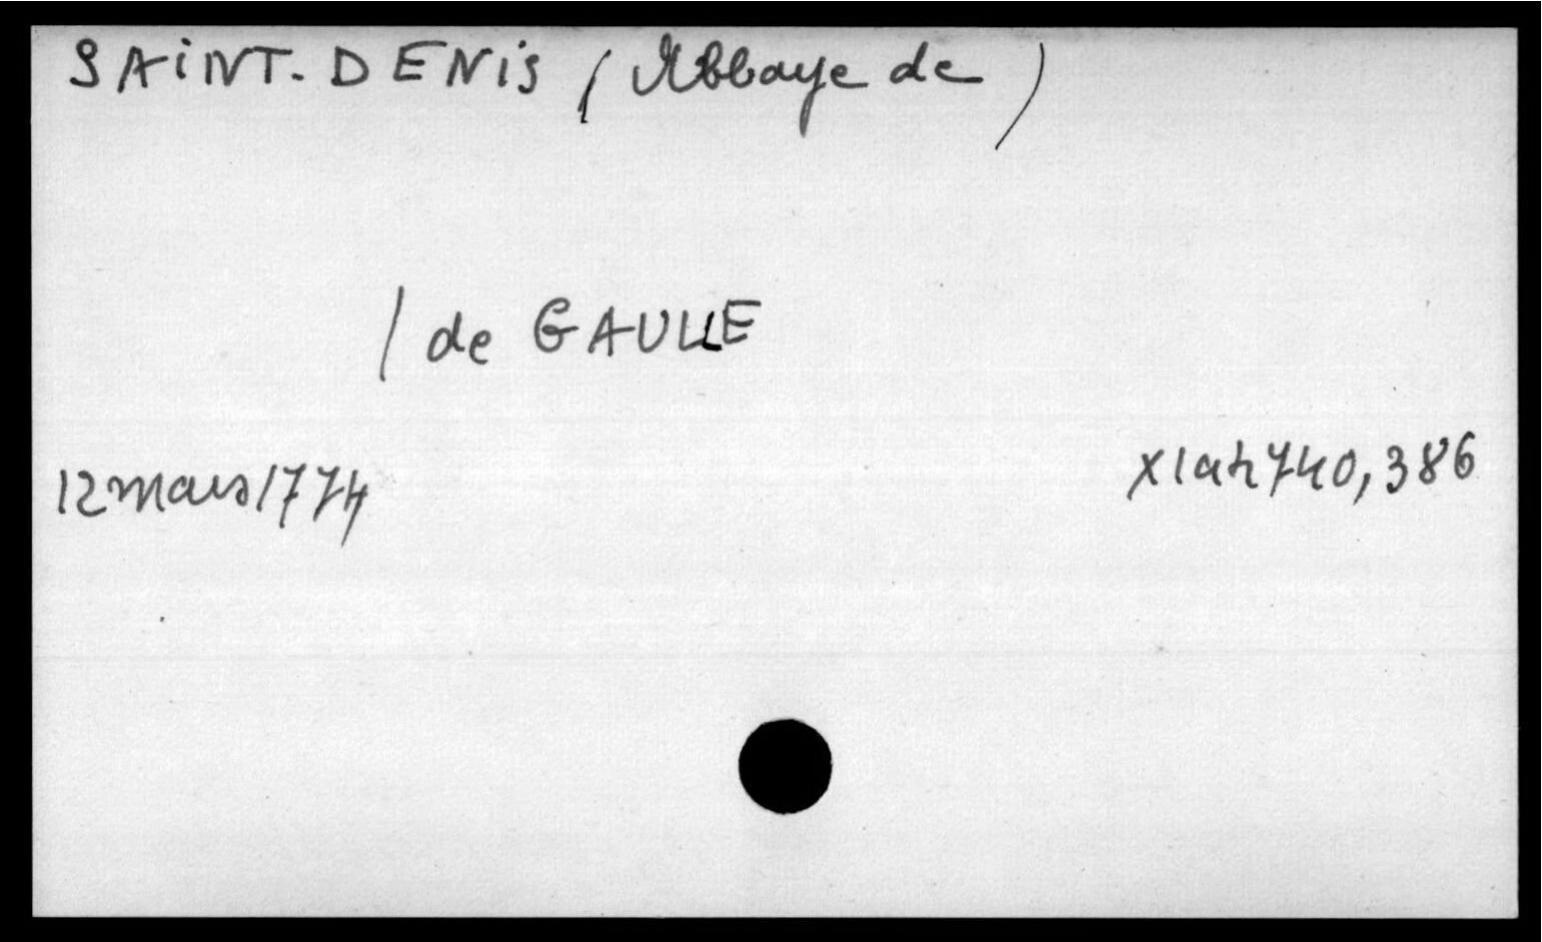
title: SAINT-DENIS (Abbaye de)
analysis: Contre de Gaulle
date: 12 mars 1774
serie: X1a
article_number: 4740
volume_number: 386
